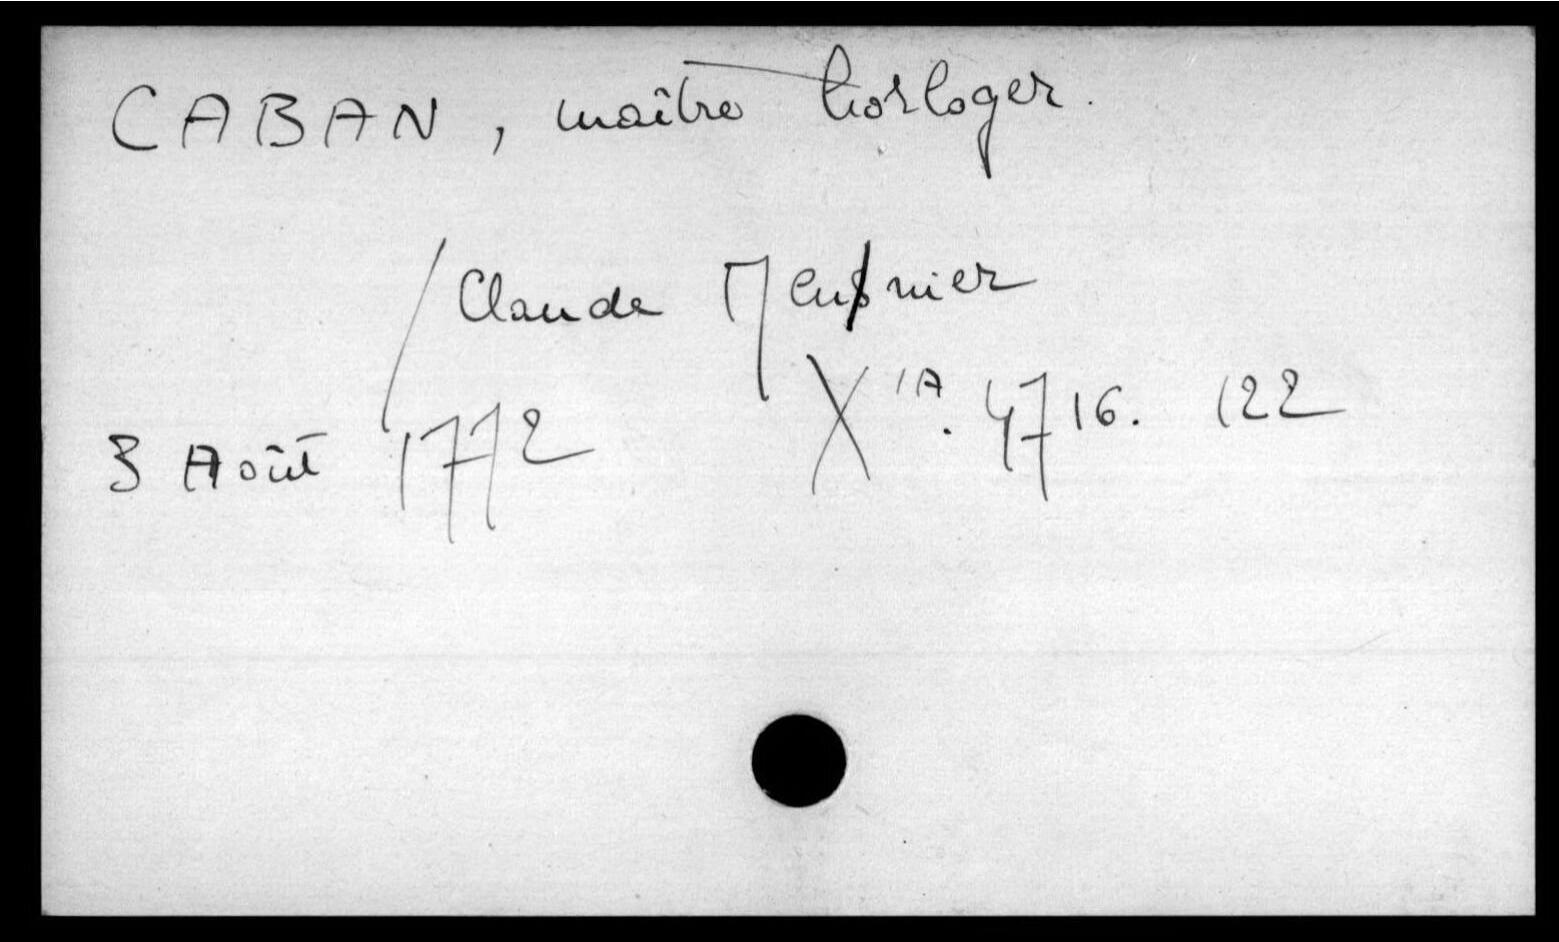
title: CABAN, maître horloger
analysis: Contre Claude Meunier
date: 3 août 1772
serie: X1A
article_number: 4716
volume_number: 122
